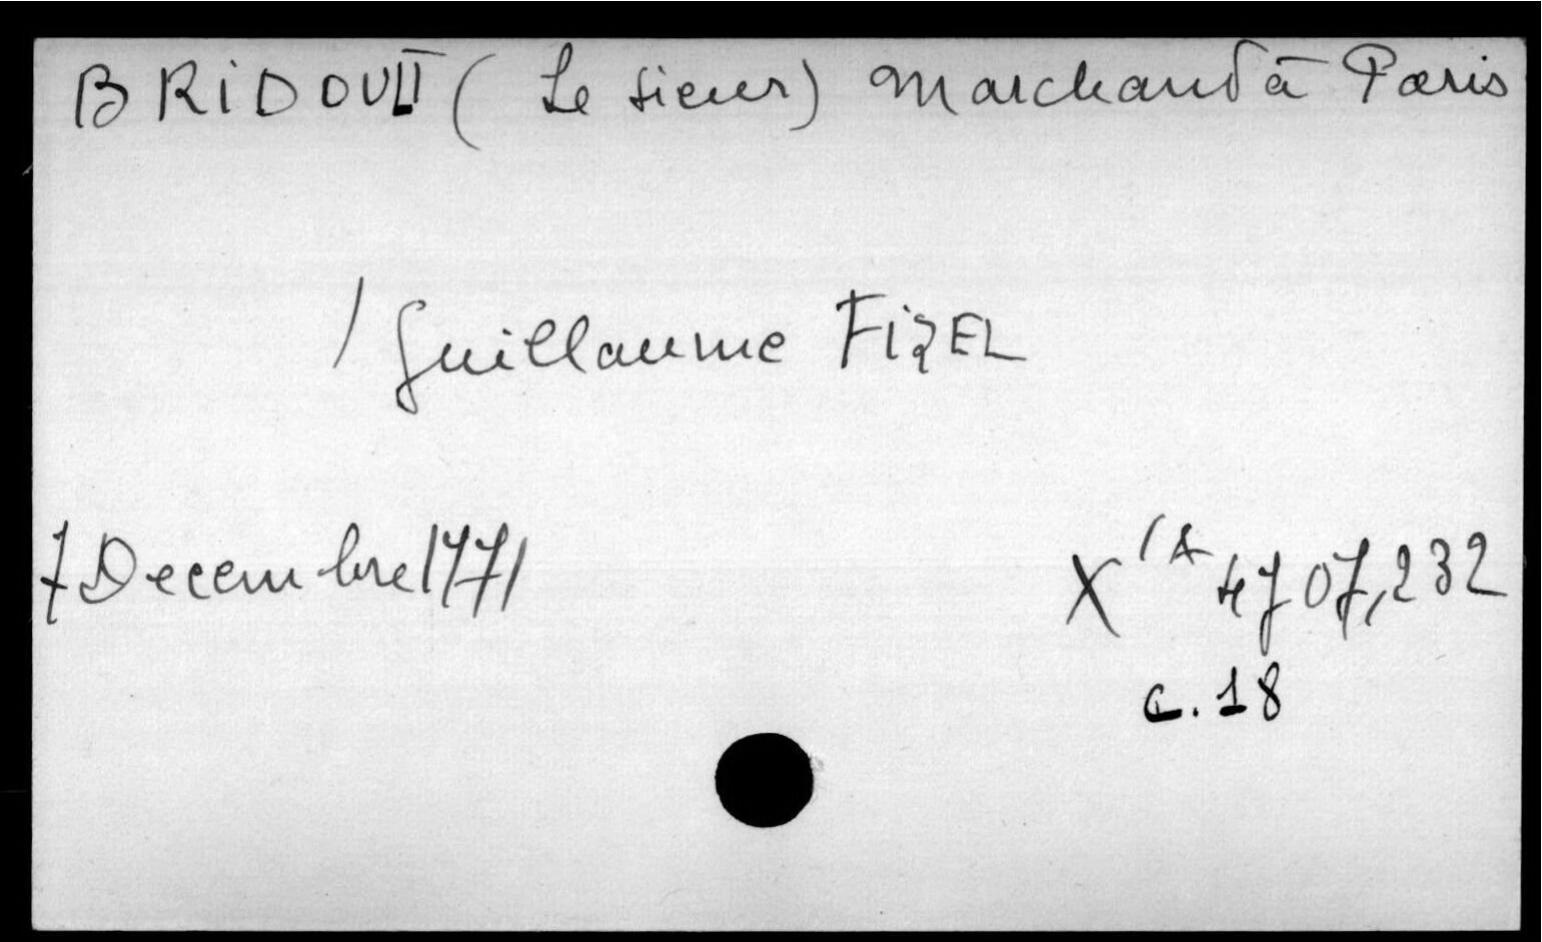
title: BRIDOULT (le sieur) marchand à Paris
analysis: Contre Guillaume FIZEL
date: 7 décembre 1771
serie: X1A
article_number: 4707
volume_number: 232 Conseil, 18
